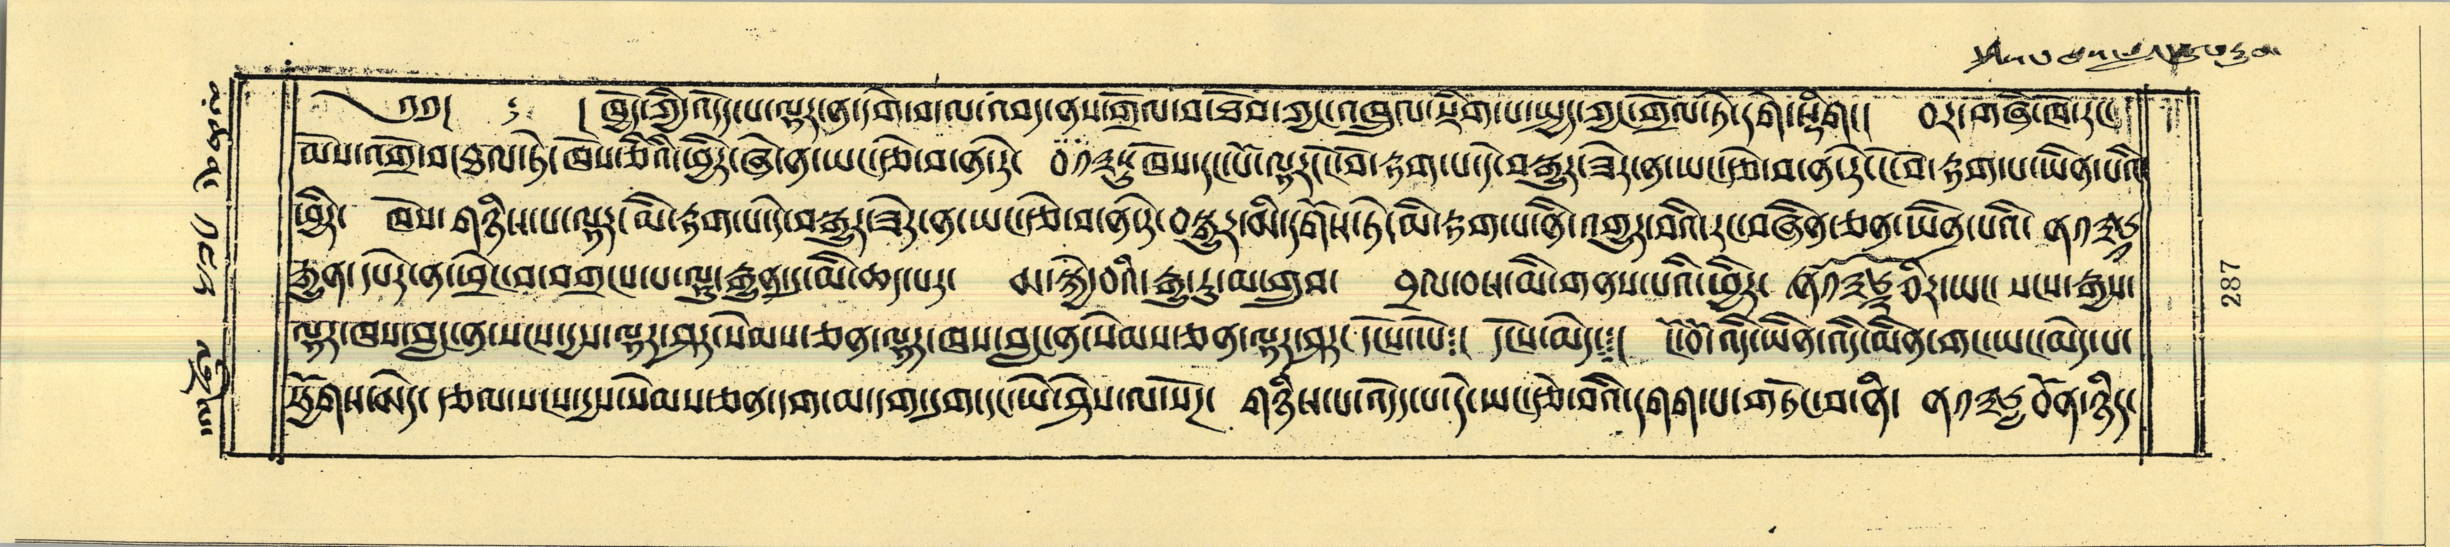ཁྱོད་ཀྱི་འདོད་པ་ལྟར་ན་དགེ་བ་ལ་འབད་ནས་གྲོལ་བ་ཐོབ་ཀྱང་འཁྲུལ་སྡིག་པ་སྤྱད་ཀྱང་གྲོལ་ཏེ་དགེ་སྡིག་ བར་གཞི་ཁོ་རང་
མོས་འགྲོ་བ་ཐལ་ཏེ་ཁོས་ཅིའི་ཕྱིར་ཞེ་ན་ཡང་རྩེ་བ་ན་རེ། བ༡༣༥།༦ ཁོས་དང་པོ་ལྟར་ངོ་བོ་རྟག་པ་དེ་བསྒྱུར་ཟེར་ན་ཡང་རྩེ་བ་ན་རེ་ངོ་བོ་རྟག་པ་ཡིན་པའི་
ཕྱིར། ཁོས་གཉིས་པ་ལྟར་མི་རྟག་པ་དེ་བསྒྱུར་ཟེར་ན་ཡང་རྩེ་བ་ན་རེ་ བསྒྱུར་མི་དགོས་ཏེ་མི་རྟག་པ་ནི་འགྱུར་བའི་རང་བཞིན་ཅན་ཡིན་པའི་ ན༡༣༦།༡ 
༼རྒྱུན་༽དཔེར་ན་ཕྲེང་བ་བགྲངས་བ་ལྟ་བུ་རྒྱན་དུ་མི་ཆད་པར་ ༼མ་སྐྱེ་བའི་༽རྒྱུ་རུ་མ་གྲུབ། ༼བྲལ་བས་༽མི་གནས་པའི་ཕྱིར། ཅི་ཡང་ཁས་བླང་(ཏུ་བརྒྱུ་བ་) ན༡༣༦།༢ ཅིར་ཡང་ སངས་རྒྱས་
ལྟར་ཁས་བླང་ན་སངས་རྒྱས་ལྟར་ཤར་སེམས་ཅན་ལྟར་ཁས་བླང་ན་སེམས་ཅན་ལྟར་ཤར། དངོས་པོ་་་། དངོས་མེད་་། ༼ངོ་བོ་༽འདི་ཡིན་འདི་མིན་གང་ཡང་མེད་པ་ 
ཕྱོགས་མེད་རྩལ་སངས་རྒྱས་སེམས་ཅན་དག་མ་དག་དུག་དང་ཡེ་ཤེས་ལ་སོགས། གཉིས་པ་འདོད་པ་དེ་ཡང་རྩེ་བའི་ དགག་པ་གཏོང་བ་ནི། ན༡༣༦།༤ བོན་ཉིད་